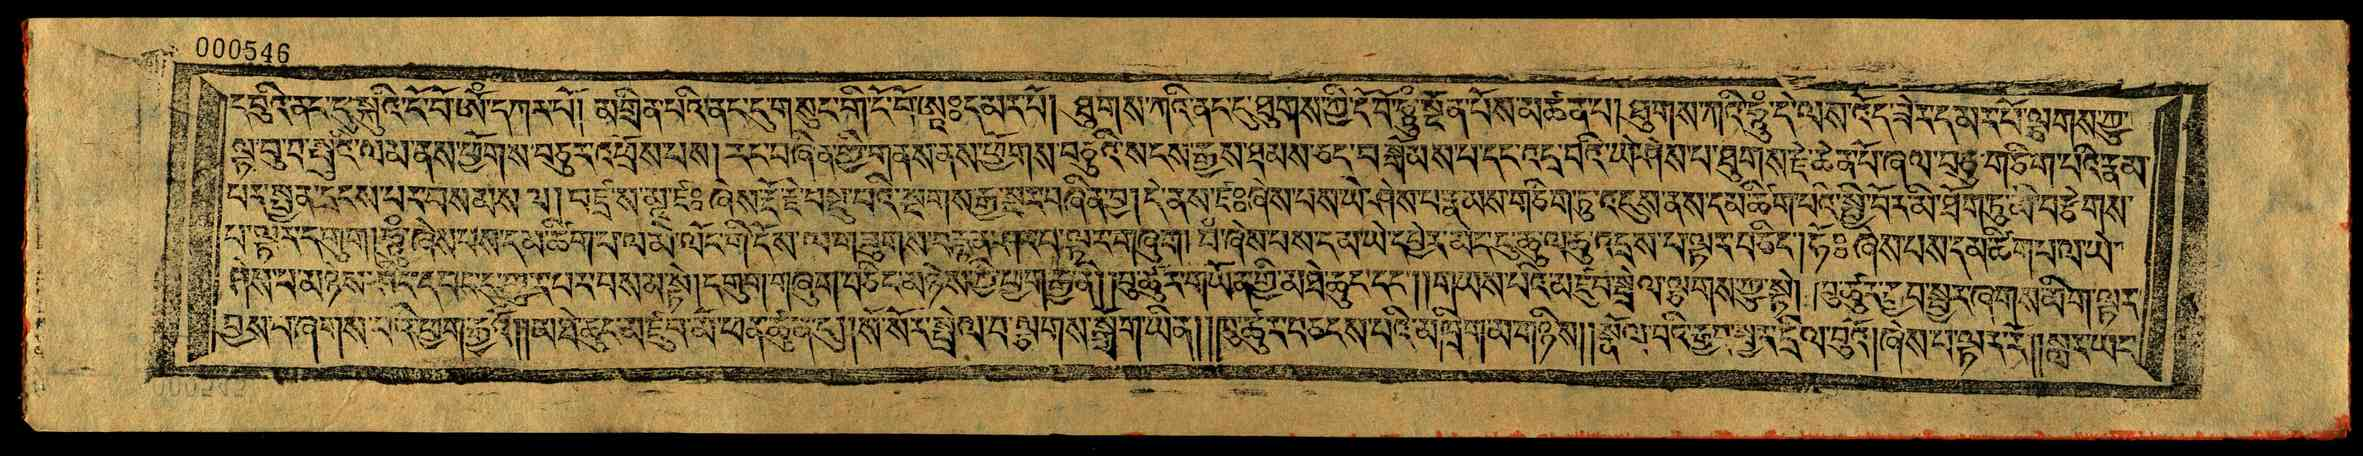དབུའི་ནང་དུ་སྐུའི་ངོ་བོ་ཨོཾ་དཀར་པོ། མགྲིན་པའི་ནང་དུ་གསུང་གི་ངོ་བོ་ཨཿ དམར་པོ། ཐུགས་ཀའི་ནང་དུ་ཐུགས་ཀྱི་ངོ་བོ་ཧཱུཾ་སྔོན་པོས་མཚན་པ། ཐུགས་ཀའི་ཧཱུཾ་དེ་ལས་འོད་ཟེར་དམར་པོ་ལྕགས་ཀྱུ་
ལྟ་བུ་བ་སྤུའི་ལམ་ནས་ཕྱོགས་བཅུར་འཕྲོས་པས། རང་བཞིན་གྱི་གནས་ནས་ཕྱོགས་བཅུའི་སངས་རྒྱས་ཐམས་ཅད་བསྒོམས་པ་དང་འདྲ་བའི་ཡེ་ཤེས་པ་ཐུགས་རྗེ་ཆེན་པོ་ཞལ་བཅུ་གཅིག་པའི་རྣམ་
པར་སྤྱན་དྲངས་པར་བསམས་ལ། བྫྲ་ས་མཱ་ཛཿ ཞེས་རྡོ་རྗེ་བསྡུ་བའི་སྔགས་རྒྱ་སྔར་བཞིན་བྱ། དེ་ནས་ཛཿ ཞེས་པས་ཡེ་ཤེས་པ་རྣམས་གཅིག་ཏུ་འདུས་ནས་དམ་ཚིག་པའི་སྤྱི་བོར་མི་ཐོག་ཏུ་མི་བརྩེགས་
པ་ལྟར་དགུག །ཧཱུཾ་ཞེས་པས་དམ་ཚིག་པ་ལ་མེ་ལོང་གི་ངོས་ལ་གཟུགས་བརྙན་ཤར་བ་ལྟར་གཞུག །བཾ་ཞེས་པས་དམ་ཡེ་དབྱེར་མེད་དུ་ཆུ་ལ་ཆུ་འདྲེས་པ་ལྟར་བཅིང་། ཧོཿ ཞེས་པས་དམ་ཚིག་པ་ལ་ཡེ་
ཤེས་པ་མཉེས་ཤིང་དབང་དུ་གྱུར་པར་བསམ་སྟེ། དགུག་གཞུག་བཅིང་མཉས་ཀྱི་ཕྱག་རྒྱན། ཁུ་ཆུར་གཡོན་གྱི་མཐེ་ཆུང་དང་། །གཡས་པའི་མཛུབ་སྦྲེལ་ལྕགས་ཀྱུ་སྟེ། །ཁུ་ཚུར་རྒྱབ་སྦྱར་ཞགས་མིག་ལྟར།
བྱས་པ་ཞགས་པའི་ཕྱག་རྒྱའོ། །མཐེ་ཆུང་མཛུབ་མོ་ཕན་ཚུན་དུ། །སོ་སོར་སྦྲེལ་བ་ལྕགས་སྒྲོག་ཡིན། །ཁུ་ཚུར་བཅངས་པའི་མཁྲིག་མ་གཉིས། །སྣོལ་བའི་རྒྱབ་སྦྱར་དྲིལ་བུའོ། ཞེས་པ་ལྟར་རོ། །སླར་ཡང་